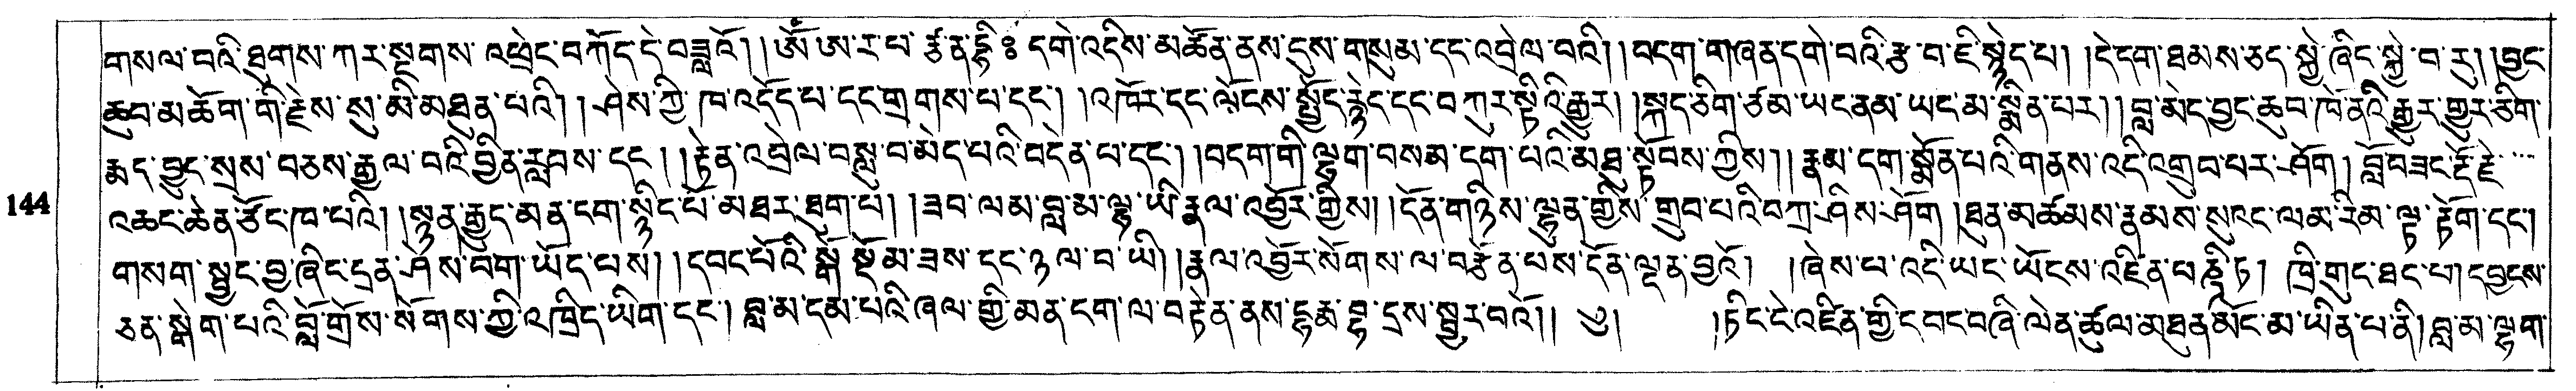གསལ་བའི་ཐུགས་ཀར་སྔགས་འཕྲེང་བཀོད་དེ་བཟླའོ། །ཨོཾ་ཨ་ར་པ་ཙ་ན་དྷིཿ དགེ་འདིས་མཚོན་ནས་དུས་གསུམ་དང་འབྲེལ་བའི། །བདག་གཞན་དགེ་བའི་རྩ་བ་ཇི་སྙེད་པ། །དེ་དག་ཐམས་ཅད་སྐྱེ་ཞིང་སྐྱེ་བ་རུ། །བྱང་
ཆུབ་མཆོག་གི་རྗེས་སུ་མི་མཐུན་པའི། །ཤེས་ཀྱི་ཁ་འདོད་པ་དང་གྲགས་པ་དང་། །འཁོར་དང་ལོངས་སྤྱོད་རྙེད་དང་བཀུར་སྟིའི་རྒྱུར། །སྐད་ཅིག་ཙམ་ཡང་ནམ་ཡང་མ་སྨིན་པར། །བླ་མེད་བྱང་ཆུབ་ཁོ་ནའི་རྒྱུར་གྱུར་ཅིག་
རྨད་བྱུང་སྲས་བཅས་རྒྱལ་བའི་བྱིན་རླབས་དང་། །རྟེན་འབྲེལ་བསླུ་བ་མེད་པའི་བདེན་པ་དང་། །བདག་གི་ལྷག་བསམ་དག་པའི་མཐུ་སྟོབས་ཀྱིས། །རྣམས་དག་སྨོན་པའི་གནས་འདི་འགྲུབ་པར་ཤོག ། བློ་བཟང་རྡོ་རྗེ་
འཆང་ཆེན་ཙོང་ཁ་པའི། །སྙན་རྒྱུད་མན་ངག་སྙིང་པོ་མཐར་ཐུག་པ། །ཟབ་ལམ་བླ་མ་ལྷ་ཡི་རྣལ་འབྱོར་གྱིས། །དོན་གཉིས་ལྷུན་གྱིས་གྲུབ་པའི་བཀྲ་ཤིས་ཤོག །ཐུན་མཚམས་རྣམས་སུའང་ལམ་རིམ་ལྟ་རྟོག་དང་།
གསག་སྦྱང་བྱ་ཞིང་དྲན་ཤེས་བག་ཡོད་པས། །དབང་པོའི་སྒོ་སྡོམ་ཟས་དང་ཉལ་བ་ཡི། །རྣལ་འབྱོར་སོགས་ལ་བརྩོན་པས་དོན་ལྡན་བྱའོ། །ཞེས་པ་འདི་ཡང་ཡོངས་འཛིན་པཎྜི་ཏ། ཁྲི་གུང་ཐང་པ། དབྱངས་
ཅན་སྒེག་པའི་བློ་གྲོས་སོགས་ཀྱི་འཁྲིད་ཡིག་དང་། བླ་མ་དམ་པའི་ཞལ་གྱི་མན་ངག་ལ་བརྟེན་ནས་རྡྷརྨ་བྷ་དྲས་སྦྱར་བའོ། ། ༄༅། །ཏིང་ངེ་འཛིན་གྱི་དབང་བཞི་ལེན་ཚུལ་མཐུན་མོང་མ་ཡིན་པ་ནི། བླ་མ་ལྷག་